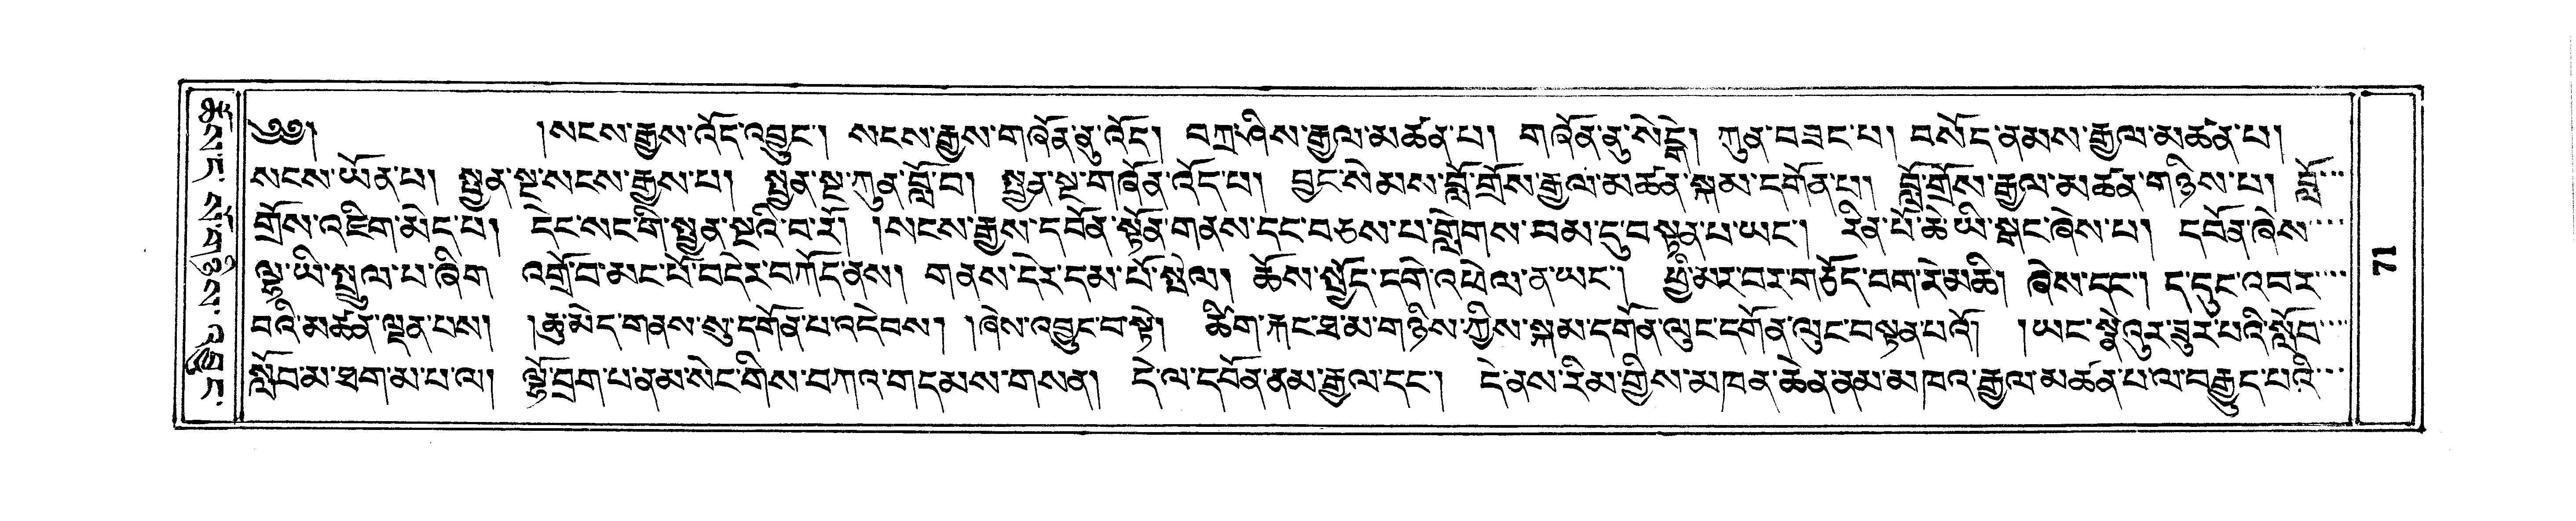༄༅། །སངས་རྒྱས་འོད་འབྱུང་། སངས་རྒྱས་གཞོན་ནུ་འོང་། བཀྲ་ཤིས་རྒྱལ་མཚན་པ། གཞོན་ནུ་སེངྒེ། ཀུན་བཟང་པ། བསོད་ནམས་རྒྱལ་མཚན་པ།
སངས་ཡོན་པ། སྤྱན་སྔ་སངས་རྒྱས་པ། སྤྱན་སྔ་ཀུན་བློ་བ། སྤྱན་སྔ་གཞོན་འོད་པ། བྱང་སེམས་བློ་གྲོས་རྒྱལ་མཚན་སྐམ་དགོན་པ། བློ་གྲོས་རྒྱལ་མཚན་གཉིས་པ། བློ་
གྲོས་འཇིག་མེད་པ། དེང་སང་གི་སྤྱན་སྔའི་བ་རོ། །སངས་རྒྱས་དབོན་སྟོན་གནས་དང་བཅས་པ་གླེགས་བམ་དུ་བསྟན་པ་ཡང་། རིན་པོ་ཆེ་ཡི་སྒང་ཞེས་པ། དབོན་ཞེས་
ལྷ་ཡི་སྤྲུལ་པ་ཞིག །འགྲོ་བ་མང་པོ་བདེར་བཀོད་ནས། གནས་དེར་དམ་པོ་སྤེལ། ཆོས་སྤྱོད་དགེ་འཕེལ་ན་ཡང་། ཕྱི་མར་བར་གཅོད་བག་རེ་མཆི། ཞེས་དང་། ད་དུང་འབར་
བའི་མཚན་ལྡན་པས། །ཆུ་མེད་གནས་སུ་དགོན་པ་འདེབས། །ཞེས་འབྱུང་བ་སྟེ། ཚིག་རྐང་ཐ་མ་གཉིས་ཀྱིས་སྐམ་དགོན་ལུང་དགོན་ལུང་བསྟན་པའོ། །ཡང་སྣེའུར་ཟུར་པའི་སློབ་
སློབ་མ་ཐག་མ་པ་ལ། ལྷོ་བྲག་པ་ནམ་སེང་གིས་བཀའ་གདམས་གསན། དེ་ལ་དབོན་ནམ་རྒྱལ་དང་། དེ་ནས་རིམ་གྱིས་མཁན་ཆེན་ནམ་མཁའ་རྒྱལ་མཚན་པ་ལ་བརྒྱུད་པའི་